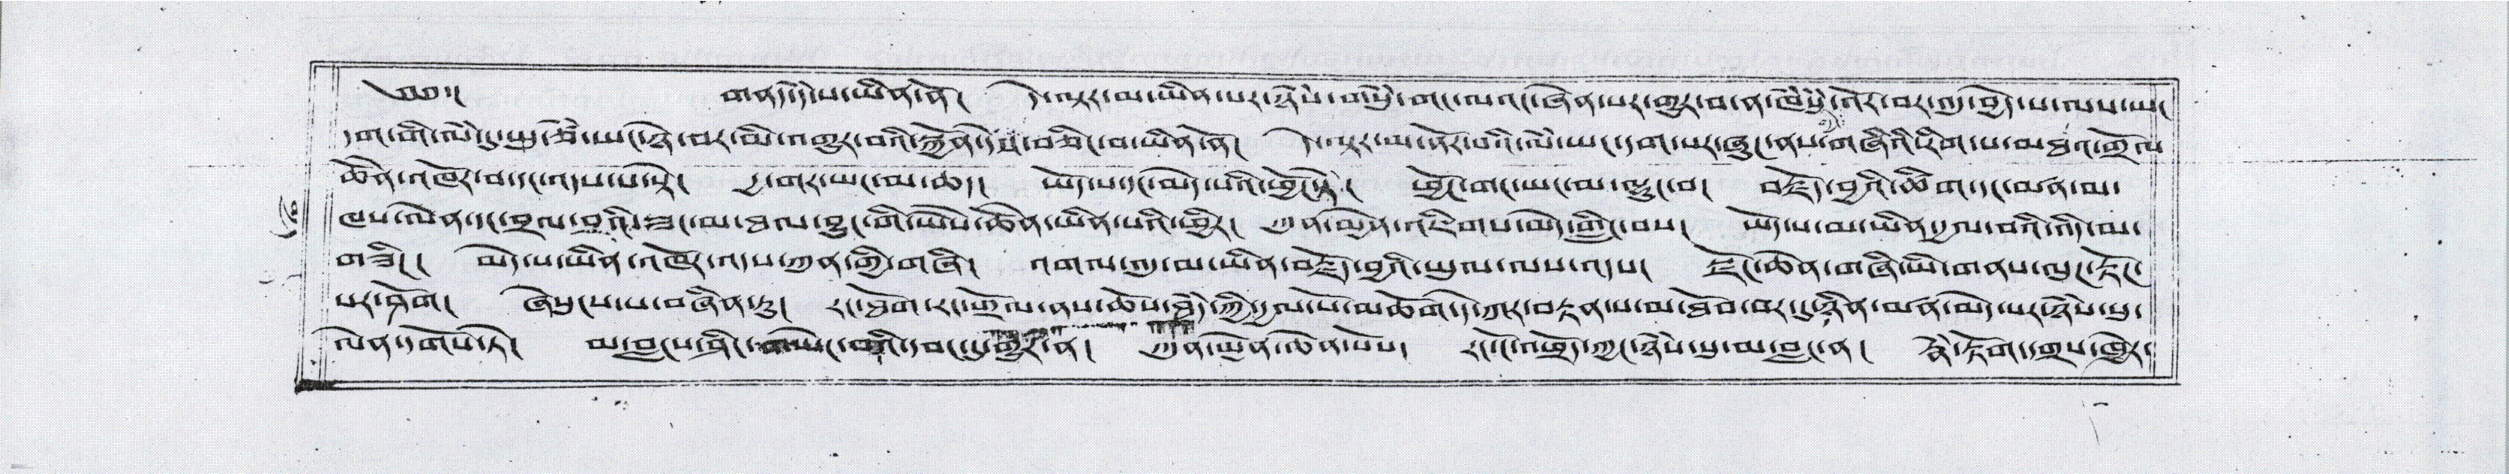གནད་དམ་པ་ཡིན་ནོ། དེ་ལྟར་མ་ཡིན་པར་ཉམས་གསུམ་གང་ལའང་ཞེན་པར་གྱུར་པ་ན། ཁམས་གསུམ་འཁོར་བར་འདུ་བྱེད་པ་ལས་ཡང་
དག་གི་ལམ་དུ་སྤུ་ཙམ་ཡང་ཉེ་བར་མི་འགྱུར་བའི་སྐྱོན་དེས་བཅིང་བ་ཡིན་ནོ། དེ་ལྟར་མ་ནོར་བའི་ལམ་ཡང་དག་པར་ཞུགས་ནས་ཀྱང་གཞིའི་རིག་པ་མཐའ་གྲོལ་
ཆེན་པོ་འཁོར་བ་དང་འདས་པ་སྟེ། རྒྱ་གང་ཡང་མ་ཆད། ཡོད་པ་དང་མེད་པའི་ཕྱོགས་ཏེ། ཕྱོགས་གང་ཡང་མ་ལྷུང་བ། བརྗོད་བྱའི་ཚིག་དང་མཚན་མ་
ཁས་ལེན་དང་བྲལ་བའི་ཟང་མ་ཐལ་བྱུང་གི་ཡེ་ཤེས་ཡིན་པའི་ཕྱིར། ཀུན་མཁྱེན་འཇིགས་མེད་གླིང་པས། ཡོད་པ་མ་ཡིན་རྒྱལ་བས་འདི་མ་
གཟིགས། མེད་པ་མ་ཡིན་འཁོར་འདས་ཀུན་གྱི་གཞི། འགལ་འདུ་མ་ཡིན་བརྗོད་བྱའི་ཡུལ་ལས་འདས། རྫོགས་ཆེན་གཞི་ཡི་གནས་ལུགས་རྟོགས་
པར་ཤོག། ཞེས་གསུངས་པ་བཞིན་དུ་རང་ཐོག་རང་གྲོལ་ནས་ཆོས་ཐམས་ཅད་རྒྱལ་པོ་མཆོག་དེ་ཀར་བརྟན་པ་མ་ཐོབ་བར་དུ་ཉིན་མཚན་མེད་པར་ཉམས་སུ་
ལེན་དགོས་ཏེ། མ་བླངས་ཤིང་གཡེང་བའི་དབང་དུ་གྱུར་ན། ཀུན་མཁྱེན་ཆེན་པོས། རང་ངོ་འཕྲོད་ཀྱང་ཉམས་སུ་མ་བླང་ན། རྣམ་རྟོག་དགྲས་ཁྱེར་